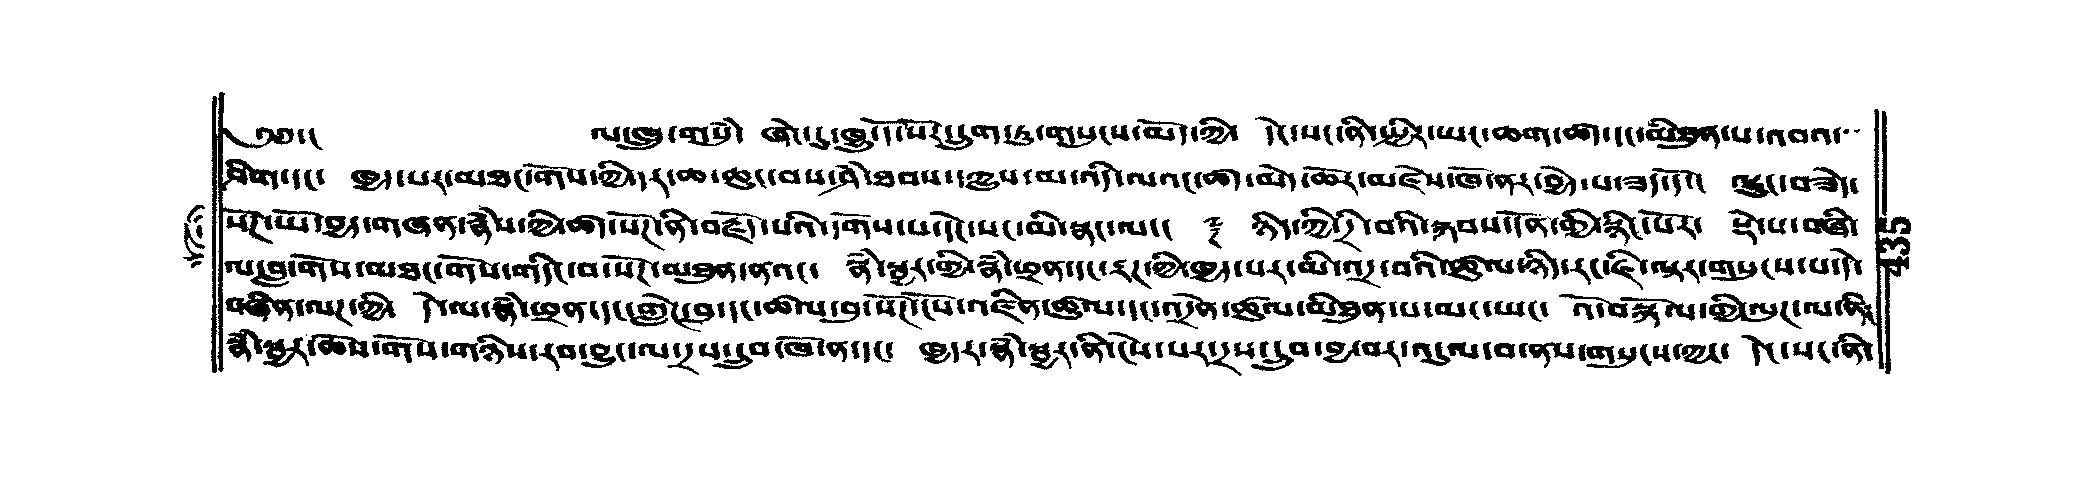ལ་ཁྲུ་གསུམ། ཞེང་དུ་ཁྲུ་དོ་སོར་དྲུག་ཏུ་གསུངས་མོད་ཀྱི། དེང་སང་ནི་སྤྱིར་ཡང་ཆག་ཚད་དང་མི་མཐུན་པ་འབའ་
ཤིག་དང་། ཁྱད་པར་མཐང་གོས་ཀྱི་དར་ཆ་ཆུང་བས་ཤམ་ཐབས་དཀྱུས་མ་འདི་ལའང་ཚད་མེད་ཆོར་མཛེས་ཁོ་ནར་བྱེད་པ་ཟད་དོ། ལྷུང་བཟེད་
སོགས་ཡོ་བྱད་གཞན་རྣམས་ཀྱི་ཚད་སོགས་ནི་བརྗོད་པའི་དགོས་པ་དེང་སང་མི་སྣང་ལ། ཉིད་ཀྱི་དྲི་བའི་སྐབས་དོན་གྱི་སྙིང་པོར། སྡེ་པ་བཞི་
ལ་བླ་གོས་མཐང་གོས་གདིང་བ་སོགས་མཐུན་ནའང་། སྣམ་སྦྱར་གྱི་སྣམ་ཕྲན་དང་རྟགས་ཀྱི་ཁྱད་པར་མི་འདྲ་བའི་ཚུལ། ཉིད་རང་གི་ཇི་ལྟར་གསུངས་པ་དེ་
བཞིན་ལགས་ཀྱི། དེ་ལ་སྣམ་ཕྲན་དང་གླེགས་བུ་དང་ཚལ་བུ་སོགས་ངོས་འཛིན་ཚུལ་དང་འདྲེན་ཚུལ་མི་མཐུན་པ་མང་ཡང་། འོ་བསྐོལ་གྱི་ལུགས་ལ་ནི་
སྣམ་སྦྱར་ཆོས་གོས་གཉིས་རབ་བྱུང་ལ་དྲས་དྲུབ་ཁོ་ན་དང་། ཁྱད་པར་སྣམ་སྦྱར་ནི་ངེས་པར་དྲས་དྲུབ་བྱ་བར་འདུལ་བ་ནས་གསུངས་ཀྱང་།དེང་སང་ནི་